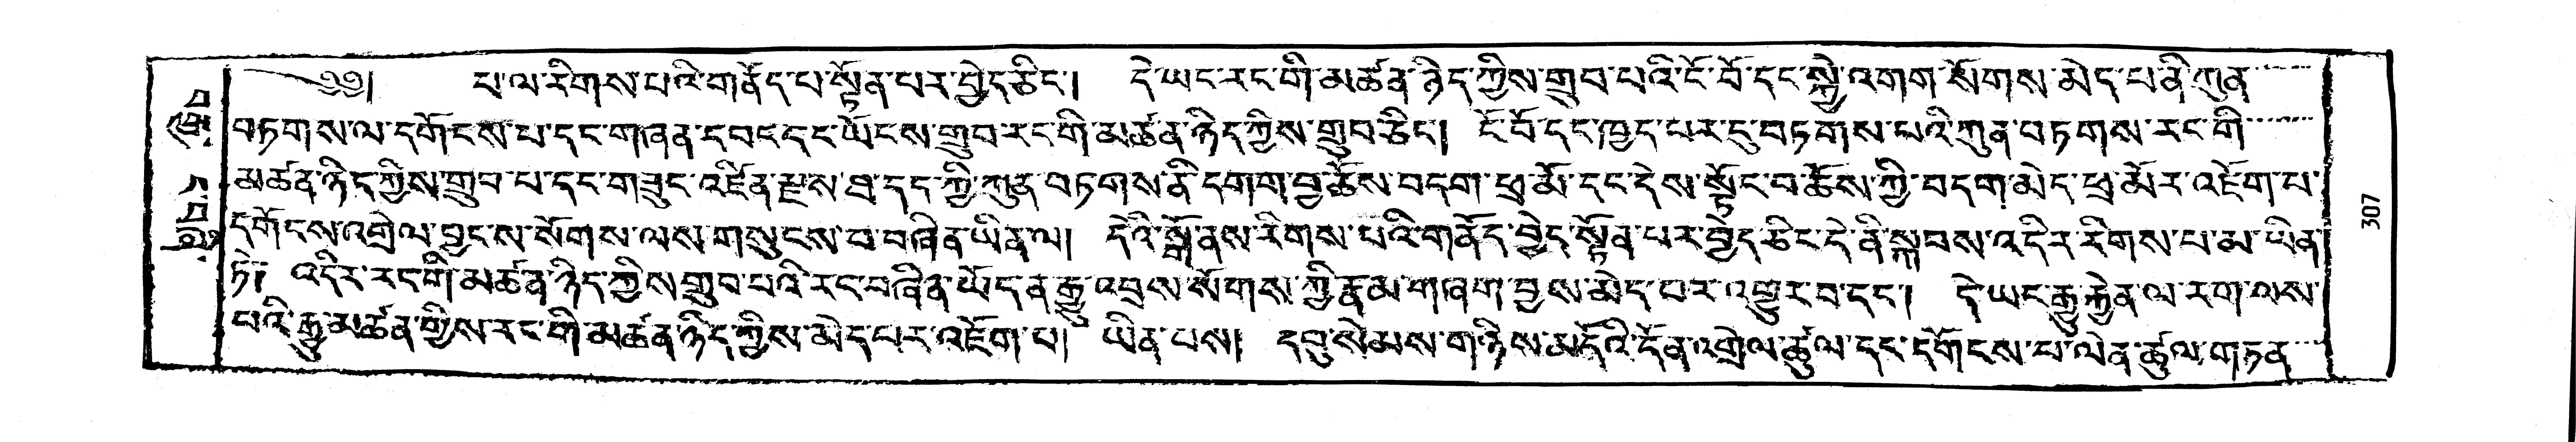༄༅། །པ་ལ་རིགས་པའི་གནོད་པ་སྟོན་པར་བྱེད་ཅིང་། དེ་ཡང་རང་གི་མཚན་ཉིད་ཀྱིས་གྲུབ་པའི་ངོ་བོ་དང་སྐྱེ་འགག་སོགས་མེད་པ་ནི་ཀུན་
བཏགས་ལ་དགོངས་པ་དང་གཞན་དབང་དང་ཡོངས་གྲུབ་རང་གི་མཚན་ཉིད་ཀྱིས་གྲུབ་ཅིང་། ངོ་བོ་དང་ཁྱད་པར་དུ་བཏགས་པའི་ཀུན་བཏགས་རང་གི་
མཚན་ཉིད་ཀྱིས་གྲུབ་པ་དང་གཟུང་འཛིན་རྫས་ཐ་དད་ཀྱི་ཀུན་བཏགས་ནི་དགག་བྱ་ཆོས་བདག་ཕྲ་མོ་དང་དེས་སྟོང་པ་ཆོས་ཀྱི་བདག་མེད་ཕྲ་མོར་འཇོག་པ་
དགོངས་འགྲེལ་བྱང་ས་སོགས་ལས་གསུངས་པ་བཞིན་ཡིན་ལ། དེའི་སྒོ་ནས་རིགས་པའི་གནོད་བྱེད་སྟོན་པར་བྱེད་ཅིང་དེ་ནི་སྐབས་འདིར་རིགས་པ་མ་ཡིན་
ཏེ། འདིར་རང་གི་མཚན་ཉིད་ཀྱིས་གྲུབ་པའི་རང་བཞིན་ཡོད་ན་རྒྱུ་འབྲས་སོགས་ཀྱི་རྣམ་གཞག་བྱས་མེད་པར་འགྱུར་བ་དང་། དེ་ཡང་རྒྱུ་རྐྱེན་ལ་རག་ལས་
པའི་རྒྱུ་མཚན་གྱིས་རང་གི་མཚན་ཉིད་ཀྱིས་མེད་པར་འཇོག་པ། ཡིན་པས། དབུ་སེམས་གཉིས་མདོའི་དོན་འགྲེལ་ཚུལ་དང་དགོངས་པ་ལེན་ཚུལ་གཏན་